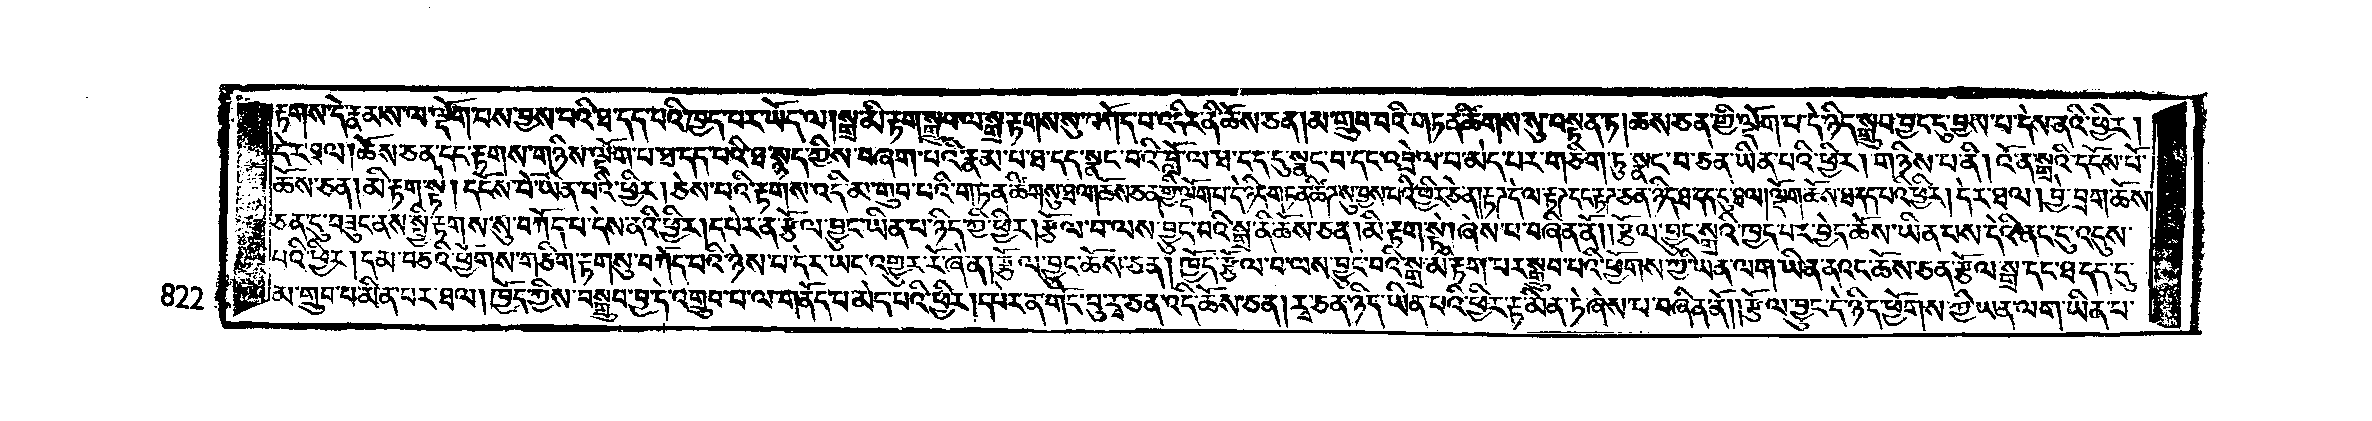རྟགས་དེ་རྣམས་ལ་ལྡོག་པས་བྱས་པའི་ཐ་དད་པའི་ཁྱད་པར་ཡོད་ལ། སྒྲ་མི་རྟག་སྒྲུབ་ལ་སྒྲ་རྟགས་སུ་བཀོད་པ་འདིར་ནི་ཆོས་ཅན། མ་གྲུབ་པའི་གཏན་ཚིགས་སུ་བསྟན་ཏེ། ཆོས་ཅན་གྱི་ལྡོག་པ་དེ་ཉིད་སྒྲུབ་བྱེད་?་དུ་བྱས་པ་དེས་ནའི་ཕྱིར།
དེར་ཐལ། ཆོས་ཅན་དང་རྟགས་གཉིས་ལྡོག་པ་ཐ་དད་པའི་ཐ་སྙད་ཀྱིས་བཞག་པའི་རྣམ་པ་ཐ་དད་སྣང་བའི་བློ་ལ་ཐ་དད་དུ་སྣང་བ་དང་འབྲེལ་བ་མེད་པར་གཅིག་ཏུ་སྣང་བ་ཅན་ཡིན་པའི་ཕྱིར། གཉིས་པ་ནི། འོ་ན་སྒྲའི་དངོས་པོ་
ཆོས་ཅན། མི་རྟག་སྟེ། དངོས་པོ་ཡིན་པའི་ཕྱིར། ཅེས་པའི་རྟགས་འདི་མ་གྲུབ་པའི་གཏན་ཚིགས་སུ་ཐལ། ཆོས་ཅན་གྱི་ལྡོག་པ་དེ་ཉིད་གཏན་ཚིགས་སུ་བྱས་པའི་ཕྱིར་ཅེ་ན། རྟགས་དེ་ལ་རྟགས་དང་རྟགས་ཅན་ཉིད་ཐ་དད་དུ་ཐལ། ལྡོག་ཆོས་ཐ་དད་པའི་ཕྱིར། དེར་ཐལ། བྱེ་བྲག་ཆོས་
ཅན་དུ་བཟུང་ནས་སྤྱི་རྟགས་སུ་བཀོད་པ་དེས་ནའི་ཕྱིར། དཔེར་ན་རྩོལ་བྱུང་ཡིན་པ་ཉིད་ཀྱི་ཕྱིར། རྩོལ་བ་ལས་བྱུང་བའི་སྒྲ་ནི་ཆོས་ཅན། མི་རྟག་སྟེ། ཞེས་པ་བཞིན་ནོ། །རྩོལ་བྱུང་སྒྲའི་ཁྱད་པར་བྱེད་ཆོས་ཡིན་པས་དེའི་ནང་དུ་འདུས་
པའི་ཕྱིར། དམ་བཅའི་ཕྱོགས་གཅིག་རྟགས་སུ་བཀོད་པའི་ཉེས་པ་དེར་ཡང་འགྱུར་རོ་ཞེ་ན། རྩོལ་བྱུང་ཆོས་ཅན། ཁྱོད་རྩོལ་བ་ལས་བྱུང་བའི་སྒྲ་མི་རྟག་པར་སྒྲུབ་པའི་ཕྱོགས་ཀྱི་ཡན་ལག་ཡིན་ནའང་ཆོས་ཅན་རྩོལ་སྒྲ་དང་ཐ་དད་དུ་
མ་གྲུབ་པ་མིན་པར་ཐལ། ཁྱོད་ཀྱིས་བསྒྲུབ་བྱ་དེ་འགྲུབ་པ་ལ་གནོད་པ་མེད་པའི་ཕྱིར། དཔེར་ན་གོང་བུ་རྭ་ཅན་འདི་ཆོས་ཅན། རྭ་ཅན་ཉིད་ཡིན་པའི་ཕྱིར་རྟ་མིན་ཏེ་ཞེས་པ་བཞིན་ནོ། །རྩོལ་བྱུང་དེ་ཉིད་ཕྱོགས་ཀྱི་ཡན་ལག་ཡིན་པ་